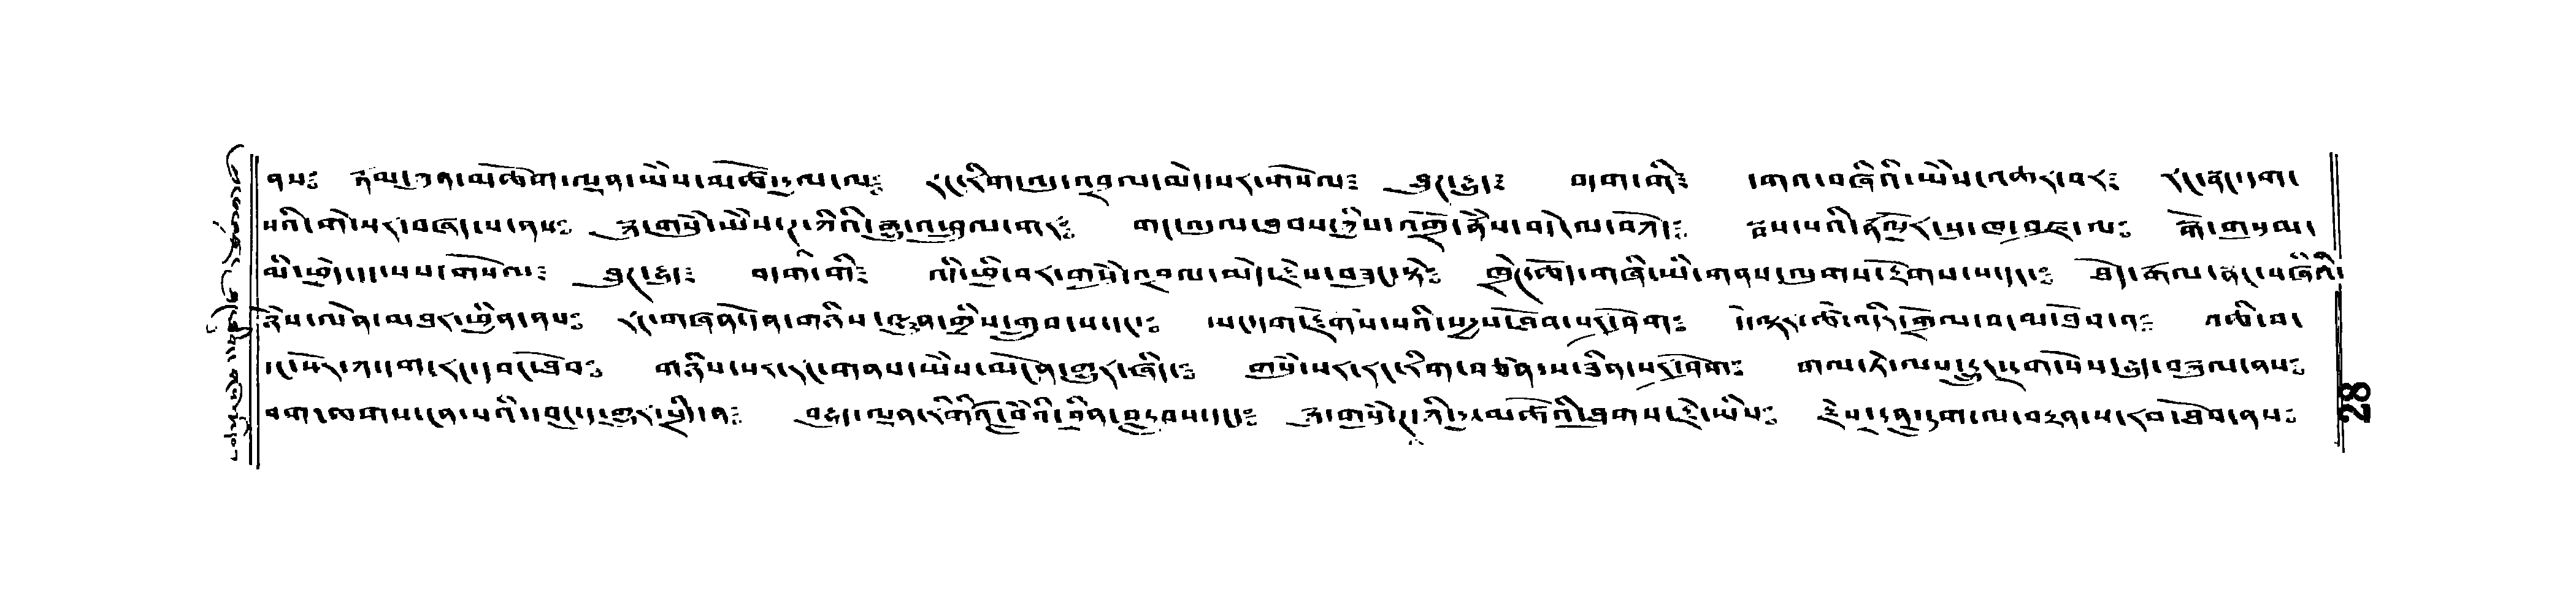ནས༔ རྣམ་ཀུན་མཆོག་ལྡན་ཡེ་ཤེས་མཚོ་རྒྱལ་ལ༔ རང་རིག་འདུ་འབྲལ་མེད་པར་གསོལ༴ ཐུགས་རྒྱུད༴ བདག་གི༴ དགའ་བཞིའི་ཡེ་ཤེས་འཆར་བར༴ རང་སྣང་དག་
པའི་གེ་སར་བཞད་པ་ནས༔ སྐུ་གསུམ་ཡེ་ཤེས་ཌཱ་ཀིའི་སྒྱུ་འཕྲུལ་གར༔ གང་འདུལ་ཐབས་ཀྱིས་འགྲོ་རྣམས་བདེ་ལ་བཀོད༔ སྦས་པའི་རྣལ་འབྱོར་སུ་ཁ་བཛྲ་ལཿ སྒོ་གསུམ་
མི་ཕྱེད་དད་པས་གསོལ༴ ཐུགས་རྒྱུད༴ བདག་གི༴ འདི་ཕྱི་བར་གསུམ་འབྲལ་མེད་རྗེས་བཟུང་སྟེ༔ ཁྲེགས་ཆོད་གཞི་ཡི་གནས་ལུགས་རྟོགས་པ་དང༔ ཐོད་རྒལ་སྣང་བཞིའི་
ཉམས་ལེན་མཐར་ཕྱིན་ནས༔ རང་གཞན་དོན་གཉིས་ལྷུན་གྱིས་གྲུབ་པ་དང༔ ཡང་དག་རྫོགས་པའི་སངས་རྒྱས་ཐོབ་པར་ཤོག༔ དེ་ལྟར་ཚེ་འདིར་གྲོལ་བ་མ་ཐོབ་ན༔ འཆི་བ་
དང་པོར་ཀ་དག་རང་དབང་ཐོབ༔ གཉིས་པར་རང་གནས་ཡེ་ཤེས་མངོན་གྱུར་ཞིང༔ གསུམ་པར་རང་རིག་བཙན་ས་ཟིན་པར་ཤོག༔ གལ་ཏེ་ལས་རླུང་དྲག་པོས་རྒྱུད་བསྐུལ་ནས༔ 
བདག་ཆགས་ངན་པའི་དབང་དུ་གྱུར་སྲིད་ན༔བརྒྱུད་ལྡན་རིག་འཛིན་བླ་མའི་བྱིན་བརླབས་དང༔ སྐུ་གསུམ་ཌཱ་ཀི་རྒྱ་མཚོའི་ཐུགས་རྗེ་ཡིས༔ རྗེས་དྲན་དྲུག་ལ་བརྟན་པ་རབ་ཐོབ་ནས༔